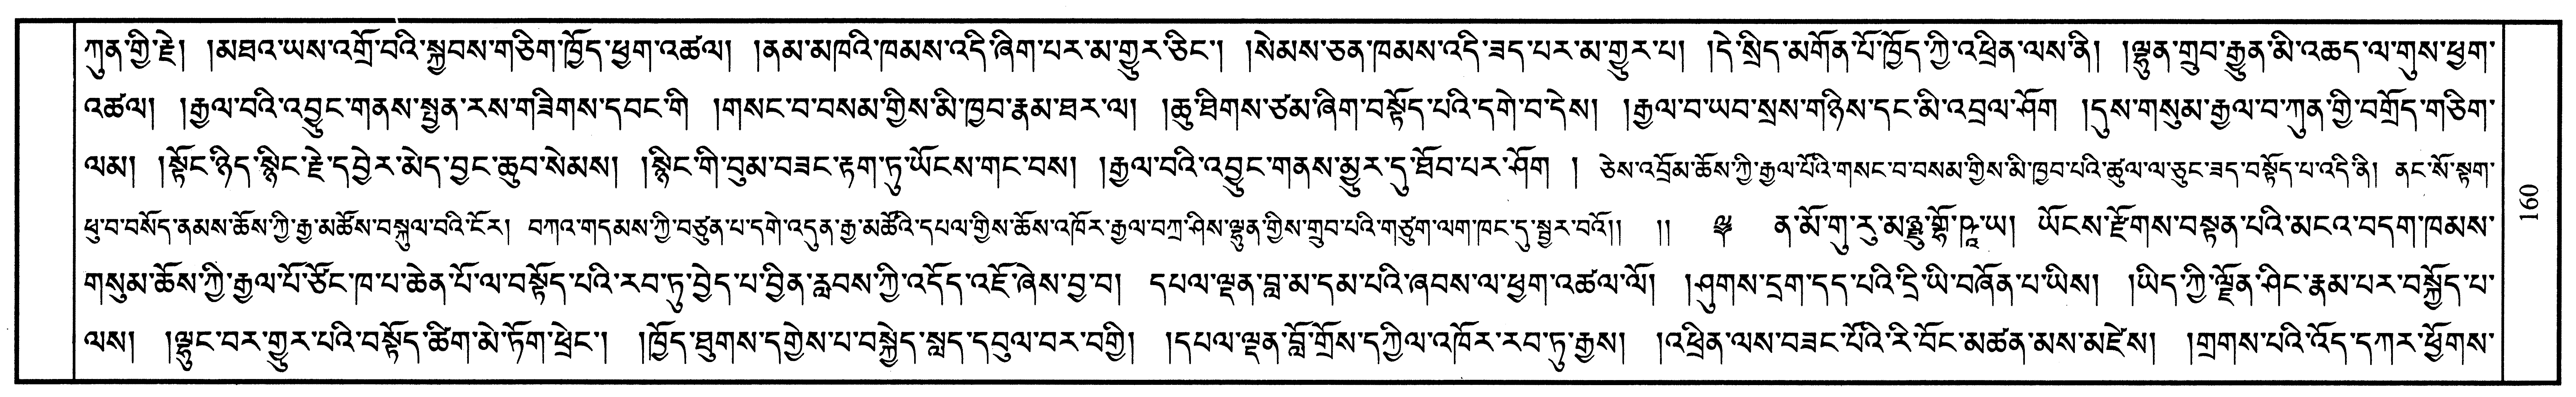ཀུན་གྱི་རྗེ། །མཐའ་ཡས་འགྲོ་བའི་སྐྱབས་གཅིག་ཁྱོད་ཕྱག་འཚལ། །ནམ་མཁའི་ཁམས་འདི་ཞིག་པར་མ་གྱུར་ཅིང་། །སེམས་ཅན་ཁམས་འདི་ཟད་པར་མ་གྱུར་པ། །དེ་སྲིད་མགོན་པོ་ཁྱོད་ཀྱི་འཕྲིན་ལས་ནི། །ལྷུན་གྲུབ་རྒྱུན་མི་འཆད་ལ་གུས་ཕྱག་
འཚལ། །རྒྱལ་བའི་འབྱུང་གནས་སྤྱན་རས་གཟིགས་དབང་གི །གསང་བ་བསམ་གྱིས་མི་ཁྱབ་རྣམ་ཐར་ལ། །ཆུ་ཐིགས་ཙམ་ཞིག་བསྟོད་པའི་དགེ་བ་དེས། །རྒྱལ་བ་ཡབ་སྲས་གཉིས་དང་མི་འབྲལ་ཤོག །དུས་གསུམ་རྒྱལ་བ་ཀུན་གྱི་བགྲོད་གཅིག་
ལམ། །སྟོང་ཉིད་སྙིང་རྗེ་དབྱེར་མེད་བྱང་ཆུབ་སེམས། །སྙིང་གི་བུམ་བཟང་རྟག་ཏུ་ཡོངས་གང་བས། །རྒྱལ་བའི་འབྱུང་གནས་མྱུར་དུ་ཐོབ་པར་ཤོག །ཅེས་འབྲོམ་ཆོས་ཀྱི་རྒྱལ་པོའི་གསང་བ་བསམ་གྱིས་མི་ཁྱབ་པའི་ཚུལ་ལ་ཅུང་ཟད་བསྟོད་པ་འདི་ནི། །ནང་སོ་སྟག་
ཕུ་བ་བསོད་ནམས་ཆོས་ཀྱི་རྒྱ་མཚོས་བསྐུལ་བའི་ངོར། །བཀའ་གདམས་ཀྱི་བཙུན་པ་དགེ་འདུན་རྒྱ་མཚོའི་དཔལ་གྱིས་ཆོས་འཁོར་རྒྱལ་བཀྲ་ཤིས་ལྷུན་གྱིས་གྲུབ་པའི་གཙུག་ལག་ཁང་དུ་སྦྱར་བའོ།། །། ༈ ན་མོ་གུ་རུ་མཉྫུ་གྷོ་ཥཱ་ཡ། ཡོངས་རྫོགས་བསྟན་པའི་མངའ་བདག་ཁམས་
གསུམ་ཆོས་ཀྱི་རྒྱལ་པོ་ཙོང་ཁ་པ་ཆེན་པོ་ལ་བསྟོད་པའི་རབ་ཏུ་བྱེད་པ་བྱིན་རླབས་ཀྱི་འདོད་འཇོ་ཞེས་བྱ་བ། དཔལ་ལྡན་བླ་མ་དམ་པའི་ཞབས་ལ་ཕྱག་འཚལ་ལོ། །ཤུགས་དྲག་དད་པའི་དྲི་ཡི་བཞོན་པ་ཡིས། །ཡིད་ཀྱི་ལྗོན་ཤིང་རྣམ་པར་བསྐྱོད་པ་
ལས། །ལྷུང་བར་གྱུར་པའི་བསྟོད་ཚིག་མེ་ཏོག་ཕྲེང་། །ཁྱོད་ཐུགས་དགྱེས་པ་བསྐྱེད་སླད་དབུལ་བར་བགྱི། །དཔལ་ལྡན་བློ་གྲོས་དཀྱིལ་འཁོར་རབ་ཏུ་རྒྱས། །འཕྲིན་ལས་བཟང་པོའི་རི་བོང་མཚན་མས་མཛེས། །གྲགས་པའི་འོད་དཀར་ཕྱོགས་